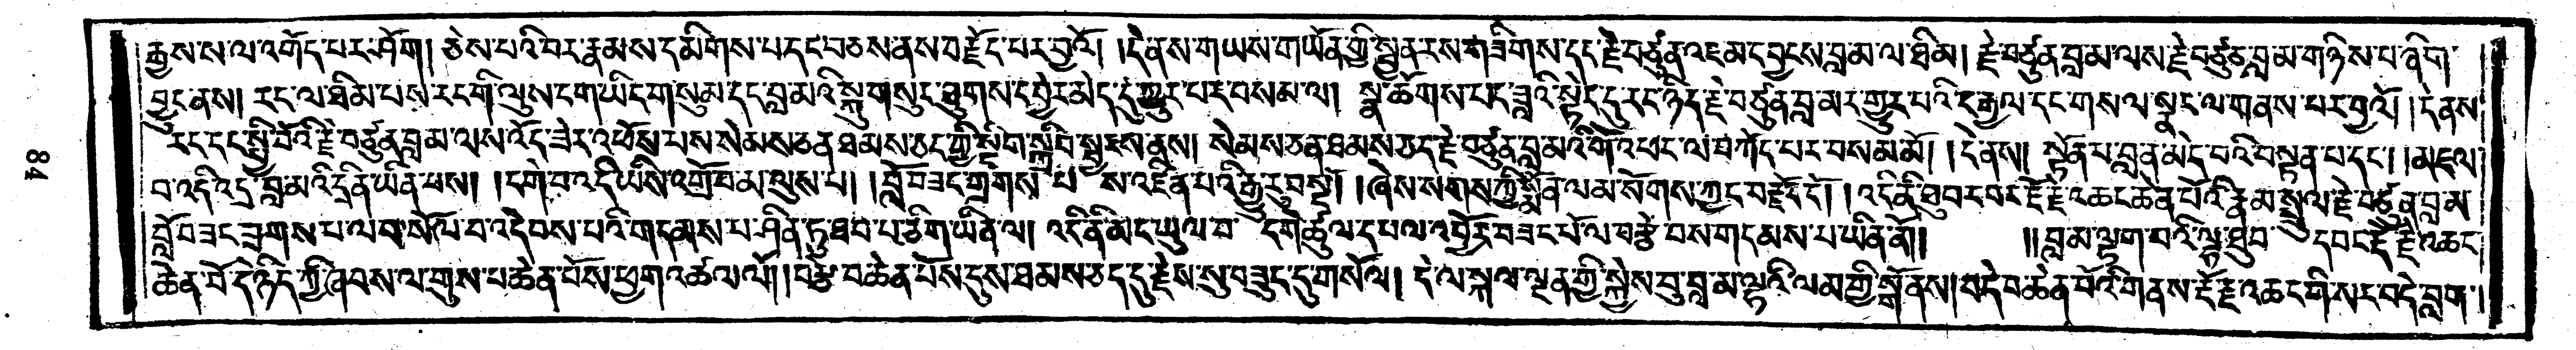རྒྱས་ས་ལ་འགོད་པར་ཤོག། ཅེས་པའི་བར་རྣམས་དམིགས་པ་དང་བཅས་ནས་བརྗོད་པར་བྱའོ། །དེ་ནས་གཡས་གཡོན་གྱི་སྤྱན་རས་གཟིགས་དང་རྗེ་བཙུན་འཇམ་དབྱངས་བླ་མ་ལ་ཐིམ། རྗེ་བཙུན་བླ་མ་ལས་རྗེ་བཙུན་བླ་མ་གཉིས་པ་ཞིག་
བྱུང་ནས། རང་ལ་ཐིམ་པས་རང་གི་ལུས་ངག་ཡིད་གསུམ་དང་བླ་མའི་སྐུ་གསུང་ཐུགས་དབྱེར་མེད་དུ་ཀྱུར་པར་བསམ་ལ། སྣ་ཚོགས་པད་ཟླའི་སྟེང་དུ་རང་ཉིད་རྗེ་བཙུན་བླ་མར་གྱུར་པའི་ང་རྒྱལ་དང་གསལ་སྣང་ལ་གནས་པར་བྱའོ། །དེ་ནས་
རང་དང་སྤྱི་བོའི་རྗེ་བཙུན་བླ་མ་ལས་འོད་ཟེར་འཕོས་པས་སེམས་ཅན་ཐམས་ཅད་གྱི་སྡིག་སྒྲིབ་སྦྱངས་ནས། སེམས་ཅན་ཐམས་ཅད་རྗེ་བཙུན་བླ་མའི་གོ་འཕང་ལ་བཀོད་པར་བསམ་མོ། །དེ་ནས། སྟོན་པ་བླ་ན་མེད་པའི་བསྟན་པ་དང་། །མཇལ་
བ་འདི་འདྲ་བླ་མའི་དྲིན་ཡིན་པས། །དགེ་བ་འདི་ཡིས་འགྲོ་བ་མ་ལུས་པ། །བློ་བཟང་གྲགས་པས་འཛིན་པའི་རྒྱུ་རུ་བསྔོ། །ཞེས་སོགས་ཀྱི་སྨོན་ལམ་སོགས་ཀྱང་བརྗོད་དོ། །འདི་ནི་ཐུབ་དབང་རྡོ་རྗེ་འཆང་ཆེན་པོའི་རྣམ་སྤྲུལ་རྗེ་བཙུན་བླ་མ་
བློ་བཟང་ཟགས་པ་ལ་བ་སོལ་བ་འདེབས་པའི་གདམས་པ་ཤིན་ཏུ་ཐབ་པ་ཅིག་ཡིན་ལ། འདི་ནི་མང་ཡུལ་བ་དགེ་ཚུལ་དཔལ་འབྱོར་བཟང་པོ་ལ་བརྩེ་བས་གདམས་པ་ཡིན་ནོ།། །།བླ་མ་ལྷག་པའི་ལྷ་ཐུབ་དབང་རྡོ་རྗེ་འཆང་
ཆེན་པོ་དེ་ཉིད་ཀྱི་ཞབས་ལ་གུས་པ་ཆེན་པོས་ཕྱག་འཚལ་ལོ། །བརྩེ་བ་ཆེན་པོས་དུས་ཐམས་ཅད་དུ་རྗེས་སུ་བཟུང་དུ་གསོལ། དེ་ལ་སྐལ་ལྡན་གྱི་སྐྱེས་བུ་བླ་མ་ལྷའི་ལམ་གྱི་སྒོ་ནས། བདེ་བ་ཆེན་པོའི་གནས་རྡོ་རྗེ་འཆང་གི་སར་བདེ་བླག །